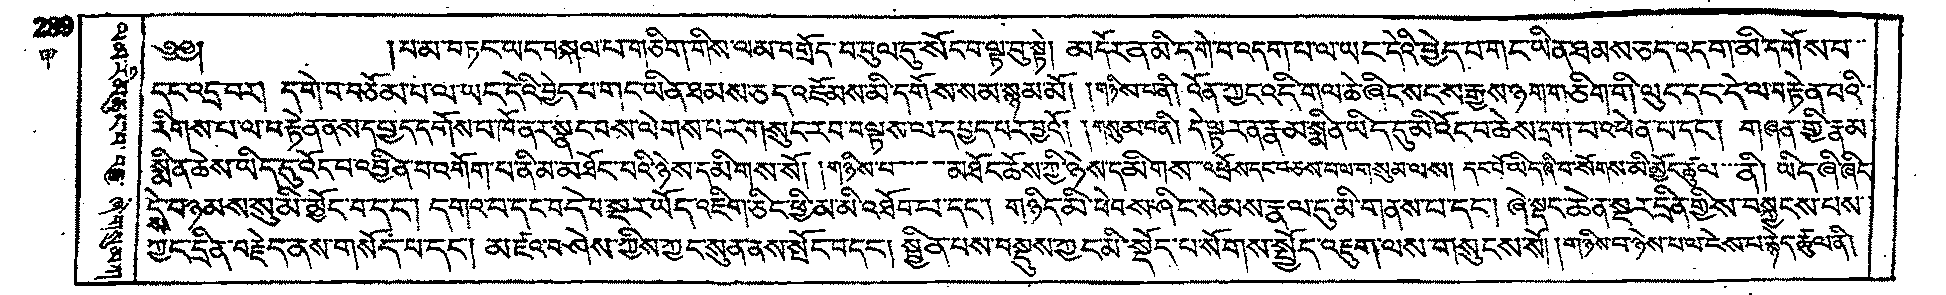༄༅། །པ་མ་བཏང་ཡང་བསྐལ་པ་གཅིག་གིས་ལམ་བགྲོད་པ་བུལ་དུ་སོང་བ་ལྟ་བུ་སྟེ། མདོར་ན་མི་དགེ་བ་འདག་པ་ལ་ཡང་དེའི་བྱེད་པ་གང་ཡིན་ཐམས་ཅད་འདག་མི་དགོས་པ་
དང་འདྲ་བར། དགེ་བ་བཅོམ་པ་ལ་ཡང་དེའི་བྱེད་པ་གང་ཡིན་ཐམས་ཅད་འཇོམས་མི་དགོས་སམ་སྙམ་མོ། །གཉིས་པ་ནི།  འོན་ཀྱང་འདི་གལ་ཆེ་ཞིང་སངས་རྒྱས་ཉག་གཅིག་གི་ལུང་དང་དེ་ལ་བརྟེན་པའི་
རིགས་པ་ལ་བརྟེན་ནས་དཔྱད་དགོས་པ་ཁོ་ནར་སྣང་བས་ལེགས་པར་གསུང་རབ་བལྟས་ལ་དཔྱད་པར་བྱའོ། །གསུམ་པ་ནི།  དེ་ལྟར་ན་རྣམ་སྨིན་ཡིད་དུ་མི་འོང་བ་ཆེས་དྲག་པ་འཕེན་པ་དང་། གཞན་གྱི་རྣམ་
སྨིན་ཆེས་ཡིད་དུ་འོང་བ་འབྱིན་པ་འགོག་པ་ནི་མ་མཐོང་བའི་ཉེས་དམིགས་སོ། །གཉིས་པ་མཐོང་ཆོས་ཀྱི་ཉེས་དམིགསའཕྲོས་དང་བཅས་པ་ལ་གསུམ་ལས། དང་པོ་ཡིད་ཞི་བ་སོགས་མི་མྱོང་ཚུལནི། ཡིད་ཞི་ཞིང་
དེས་པ་ཉམས་སུ་མི་མྱོང་བ་དང་། དགའ་བ་དང་བདེ་བ་སྔར་ཡོད་འཇིག་ཅིང་ཕྱི་མ་མི་འཐོབ་པ་དང་། གཉིད་མི་ཕེབས་ཤིང་སེམས་རྣལ་དུ་མི་གནས་པ་དང་། ཞེ་སྡང་ཆེ་ན་སྔར་དྲིན་གྱིས་བསྐྱངས་པས་
ཀྱང་དྲིན་བརྗེད་ནས་གསོད་པ་དང་། མཛའ་བཤེས་ཀྱིས་ཀྱང་སུན་ནས་སྤོང་བ་དང་། སྦྱིན་པས་བསྡུས་ཀྱང་མི་སྡོད་པ་སོགས་སྤྱོད་འཇུག་ལས་གསུངས་སོ། །གཉིས་པ་ཉེས་པ་ལ་ངེས་པ་རྙེད་ཚུལ་ནི།